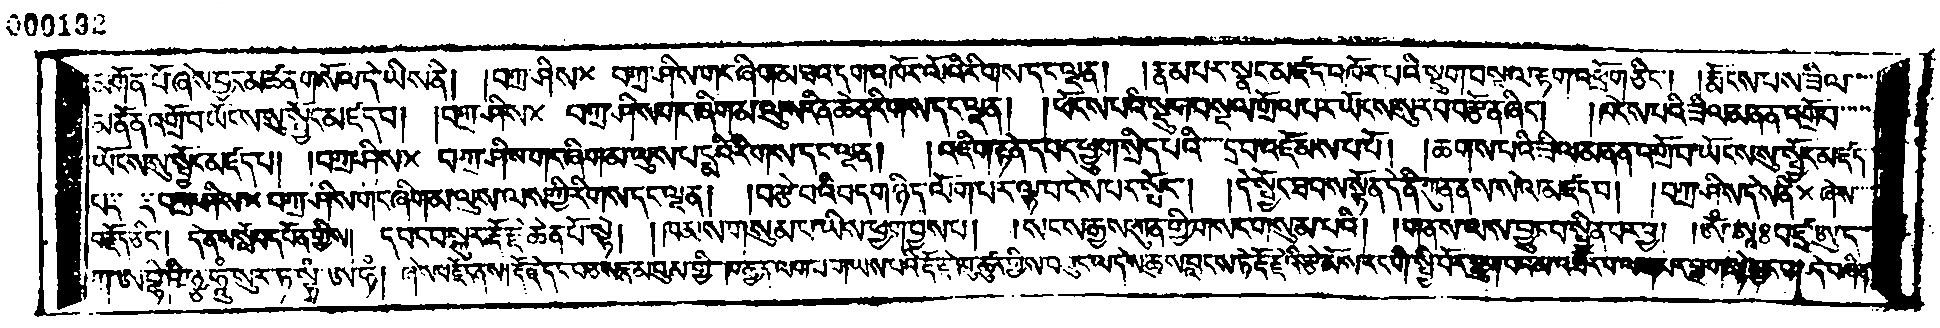མགོན་པོ་ཞེས་བྱར་མཚན་གསོལ་དེ་ཡིས་ནི། །བཀྲ་ཤིས྾་བཀྲ་ཤིས་གང་ཞིག་མཐའ་དག་འཁོར་ལོའི་རིགས་དང་ལྡན། །རྣམ་པར་སྣང་མཛད་འཁོར་པའི་སྡུག་བསྔལ་རྟག་འཕྲོག་ཅིང་། །རྨོངས་པས་ཟིལ་
མནོན་འགྲོ་བ་ཡོངས་སུ་སྤྱོད་མཛད་པ། །བཀྲ་ཤིས྾་བཀྲ་ཤིས་གང་ཞིག་མ་ལུས་རིན་ཆེན་རིགས་དང་ལྡན། །ཕོངས་པའི་སྡུག་བསྔལ་གྲོལ་པར་ཡོངས་སུ་རབ་བརྩོན་ཞིང་། །ཁེངས་པའི་ཟིལ་མནན་འགྲོ་བ་
ཡོངས་སུ་སྤྱོང་མཛད་པ། །བཀྲ་ཤིས྾་བཀྲ་ཤིས་གང་ཞིག་མ་ལུས་པདམའི་རིགས་དང་ལྡན། །འཇིག་རྟེན་དབང་ཕྱུག་སྲིད་པའི་དྲ་བ་འཇོམས་པ་པོ། །ཆགས་པའི་ཟིལ་མནན་འགྲོ་བ་ཡོངས་སུ་སྦྱོང་མཛད་
པ༑ ༑བཀྲ་ཤིས྾་བཀྲ་ཤིས་གང་ཞིག་མ་ལུས་ལས་ཀྱི་རིགས་དང་ལྡན། །བརྩེ་བའི་བདག་ཉིད་ལོག་པར་ལྟ་བ་ངེས་པར་སྤོང་། །དེ་སྦྱོང་ཐབས་སྟོན་དེ་ནི་ཀུན་ནས་སེལ་མཛད་པ། །བཀྲ་ཤིས་དེས་ནི྾་ཞེས་
བརྗོད་ཅིང་། དེ་ནས་སློབ་དཔོན་གྱིས། དབང་བསྐུར་རྡོ་རྗེ་ཆེན་པོ་སྟེ། །ཁམས་གསུམ་པ་ཡིས་ཕྱག་བྱས་པ། །སངས་རྒྱས་ཀུན་གྱི་གསང་གསུམ་པའི། །གནས་ལས་བྱུང་བ་སྦྱིན་པར་བྱ། །ཨོཾ་ཨཱཿ བཛྲ་ཨུ་ད་
ཀ་ཨ་བྷི་ཥི་ཉྩ་ཧཱུཾ་སུ་ར་ཏ་སྟྭཾ་ཨ་ཧཾ། ཞེས་བརྗོད་ནས། རྡོ་རྗེ་དང་བཅས་རྣམ་བུམ་གྱི་ཁ་རྒྱན་ལག་པ་གཡས་པའི་རྡོ་རྗེ་ཁུ་ཚུར་གྱིས་བཟུང་ལ་དེས་ཆུས་བླངས་ཏེ་རྡོ་རྗེའི་རྩེ་མོས་རང་གི་སྤྱི་བོར་བླུག་པའམ་འཐོར་བ་ལག་པར་བླུག་སྟེ་མྱང་བ། དེ་བཞིན